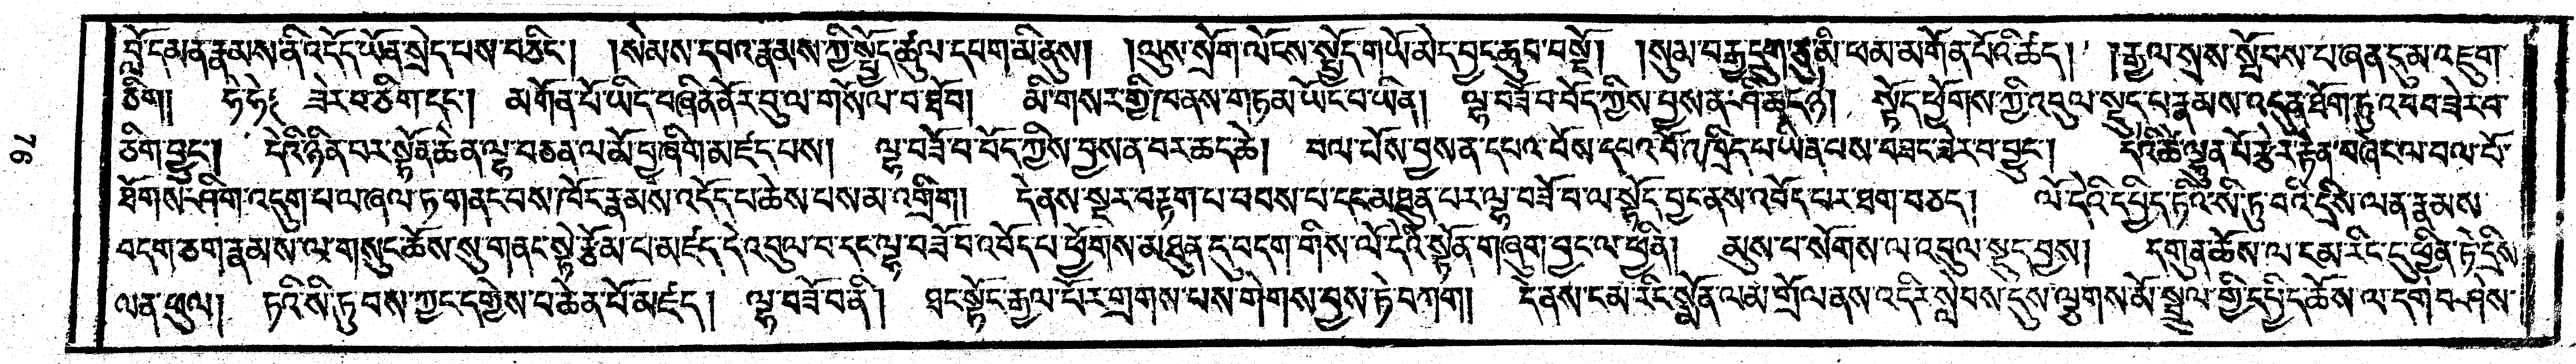བློ་དམན་རྣམས་ནི་འདོད་ཡོན་སྲེད་པས་བཅིང་། །སེམས་དཔའ་རྣམས་ཀྱི་སྤྱོད་ཚུལ་དཔག་མི་ནུས། །ལུས་སྲོག་ལོངས་སྤྱོད་གཡོ་མེད་བྱང་ཆུབ་བསྔོ། །སུམ་བརྒྱ་དྲུག་ཅུ་མི་ཕམ་མགོན་པོའི་ཚད། །རྒྱལ་སྲས་སྤོབས་པ་ཞན་དུ་མ་འཇུག་
ཅིག། ཧེ་ཧེ༑ ཟེར་བ་ཅིག་དང་། མགོན་པོ་ཡིད་བཞིན་ནོར་བུ་ལ་གསོལ་བ་ཐོབ། མི་གསར་གྱི་ཁ་ནས་གཏམ་ཡོང་བ་ཡིན། ལྷ་བཟོ་བ་བོད་ཀྱིས་བྱས་ན་ཤི་ཆད་ཉེ། སྟོད་ཕྱོགས་ཀྱི་འབུལ་སྡུད་པ་རྣམས་འདུན་ཐོག་ཏུ་འབབ་ཟེར་བ་
ཅིག་བྱུང་། དེའི་ཉིན་བར་སྟོན་ཆེན་ལྷ་བཅན་ལྷ་མོ་བྱ་ཞིག་མཛད་པས། ལྷ་བཟོ་བ་བོད་ཀྱིས་བྱས་ན་བར་ཆད་ཆེ། བལ་པོས་བྱས་ན་དཔའ་བོས་དཔའ་བོ་འཁྲིད་པ་ཡིན་པས་བཟང་ཟེར་བ་བྱུང་། དེའི་ཚེ་ལྷུན་པོ་རྩེར་རྟེན་བཞེང་ལ་བལ་པོ་
ཐོགས་ཤིག་འདུག་པ་ལ་ཞལ་ཏ་གནང་བས་ཁོང་རྣམས་འདོད་པ་ཆེས་པས་མ་འགྲིག། དེ་ནས་སྔར་བརྟག་པ་བབས་པ་དང་མཐུན་པར་ལྷ་བཟོ་བ་ལ་སྟོད་བྱང་ནས་འབོད་པར་ཐག་བཅད། ལོ་དེའི་དཔྱིད་ཏའི་སི་ཏུ་བའི་དྲིས་ལན་རྣམས་
བདག་ཅག་རྣམས་ལ་གསུང་ཆོས་སུ་གནང་སྟེ་རྩོམ་པ་མཛད་དེ་འབུལ་བ་དང་ལྷ་བཟོ་བ་འབོད་པ་ཕྱོགས་མཐུན་དུ་བདག་གིས་ལོ་དེའི་སྟོན་གཞུག་བྱང་ལ་ཕྱིན། མུས་པ་སོགས་ལ་འབུལ་སྡུད་བྱས། དགུན་ཆོས་ལ་ངམ་རིང་དུ་ཕྱིན་ཏེ་དྲིས་
ལན་ཕུལ། ཏའི་སི་ཏུ་བས་ཀྱང་དགྱེས་པ་ཆེན་པོ་མཛད། ལྷ་བཟོ་བ་ནི། ཐང་སྟོང་རྒྱལ་པོར་གྲགས་པས་གེགས་བྱས་ཏེ་བཀག། དེ་ནས་ངམ་རིང་སྨོན་ལམ་གྲོལ་ནས་འདིར་སླེབས་དུས་ལྕགས་མོ་སྦྲུལ་གྱི་དཔྱིད་ཆོས་ལ་དགེ་བཤེས་